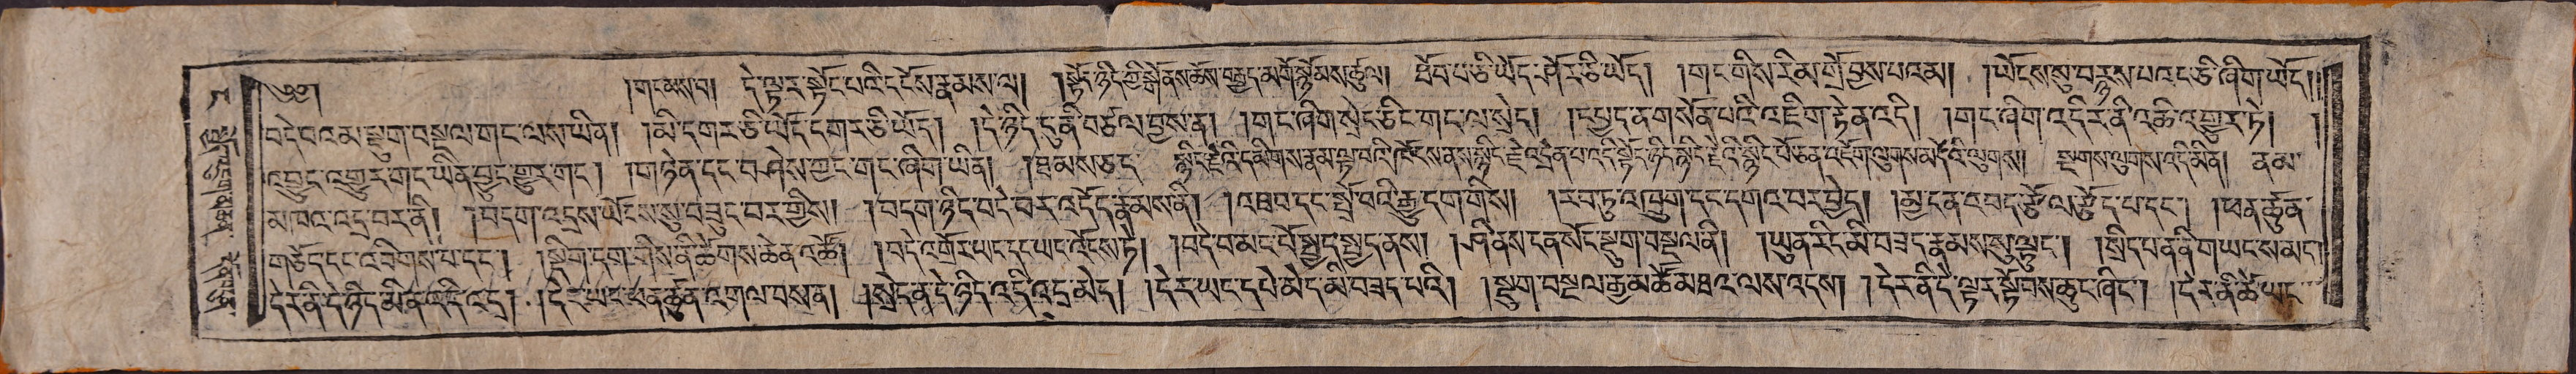༄༅། །གདམས་པ།  དེ་ལྟར་སྟོང་པའི་དངོས་རྣམས་ལ། །སྟོང་ཉིད་ཀྱི་སྒོ་ནས་ཆོས་བརྒྱད་མགོ་སྙོམས་ཚུལ།  ཐོབ་པ་ཅི་ཡོད་ཤོར་ཅི་ཡོད། །གང་གིས་རིམ་འགྲོ་བྱས་བའམ། །ཡོངས་སུ་བརྙས་པའང་ཅི་ཞིག་ཡོད།།
བདེ་བའམ་སྡུག་བསྔལ་གང་ལས་ཡིན། །མི་དགར་ཅི་ཡོད་དགར་ཅི་ཡོད། །དེ་ཉིད་དུ་ནི་བཙལ་བྱས་ན། །གང་ཞིག་སྲེད་ཅིང་གང་ལ་སྲེད། །དཔྱད་ན་གསོན་པའི་འཇིག་རྟེན་འདི། །གང་ཞིག་འདིར་ནི་འཆི་འགྱུར་ཏེ། །
འབྱུང་འགྱུར་གང་ཡིན་བྱུང་གྱུར་གང་། །གཉེན་དང་བཤེས་ཀྱང་གང་ཞིག་ཡིན། །ཐམས་ཅད་སྙིང་རྗེའི་དམིགས་རྣམ་ལྟ་བའི་ཁོངས་ནས་སྙིང་རྗེ་འདྲེན་པ་འདི་སྟོང་ཉིད་སྙིང་རྗེའི་སྙིང་པོ་ཅན་འཇོག་ལུགས་མདོའི་ལུགས། སྔགས་ལུགས་འདི་མིན།  ནམ་
མཁའ་འདྲ་བར་ནི། །བདག་འདྲས་ཡོངས་སུ་བཟུང་བར་གྱིས། །བདག་ཉིད་བདེ་བར་འདོད་རྣམས་ནི། །འཐབ་དང་སྤྲོ་བའི་རྒྱུ་དག་གིས། །རབ་ཏུ་འཁྲུག་དང་དགའ་བར་བྱེད། །མྱ་ངན་འབད་རྩོལ་རྩོད་པ་དང་། །ཕན་ཚུན་
གཅོད་དང་འབིགས་པ་དང་། །སྡིག་དག་གིས་ནི་ཚེགས་ཆེན་འཚོ། །བདེ་འགྲོར་ཡང་དང་ཡང་འོངས་ཏེ། །བདེ་བ་མང་པོ་སྤྱད་སྤྱད་ནས། ཤི་ནས་ངན་སོང་སྡུག་བསྔལ་ནི། །ཡུན་རིང་མི་བཟད་རྣམས་སུ་ལྟུང་། །སྲིད་པ་ན་ནི་གཡང་ས་མང་
དེར་ནི་དེ་ཉིད་མིན་འདི་འདྲ། །དེར་ཡང་ཕན་ཚུན་འགལ་བས་ན། །སྲིད་ན་དེ་ཉིད་འདི་འདྲ་མེད། །དེར་ཡང་དཔེ་མེད་མི་བཟད་པའི། །སྡུག་བསྔལ་རྒྱ་མཚོ་མཐའ་ལས་འདས། །དེར་ནི་དེ་ལྟར་སྟོབས་ཆུང་ཞིང་། །དེར་ནི་ཚེ་ཡང་